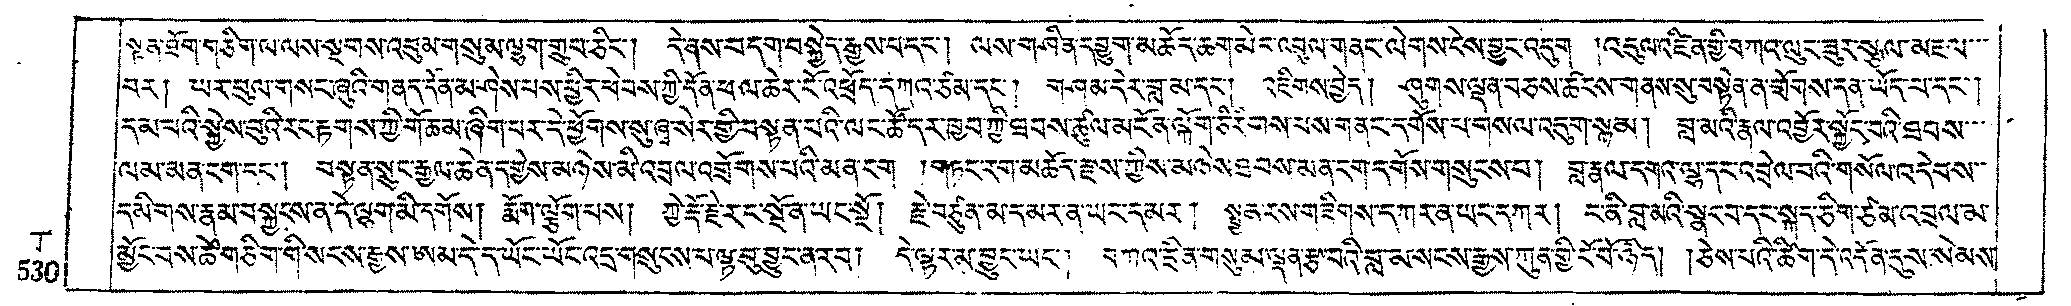སྟན་ཐོག་གཅིག་ལ་ལས་སྔགས་འབུམ་གསུམ་ལྷག་གྲུབ་ཅིང་། དེ་ནས་བདག་བསྐྱེད་རྒྱས་པ་དང་། ལས་གཤིན་དབྱུག་མཆོད་ཆག་མེད་འབུལ་གནང་ལེགས་ངེས་བྱུང་འདུག །འདུལ་འཛིན་གྱི་བཀའ་ལུང་ཟུར་སྩལ་མཇལ་་་
བར། ཡར་ཕུལ་གསང་ཞུའི་གནད་དོན་མ་ཤེས་པས་ཕྱིར་ཕེབས་ཀྱི་དོན་ཕལ་ཆེར་ངོ་འཕྲོད་དཀའ་ཙམ་དང་། གཤམ་དེར་བླ་མ་དང་། འཇིགས་བྱེད། ཤུགས་ལྡན་བཅས་ཚངས་གནས་སུ་བསྟེན་ན་གྲོགས་དན་ཡོད་པ་དང་།
དམ་པའི་སྐྱེས་བུའི་རང་རྟགས་ཀྱི་གོ་ཆ་མ་ཞིག་པར་དེ་ཕྱོགས་སུ་ཞྭ་སེར་གྱི་བསྟན་པའི་ལང་ཚོ་དར་ཁྱབ་ཀྱི་ཐབས་ཚུལ་མངོན་ལྐོག་ཅི་རིགས་པས་གནང་དགོས་པ་གསལ་འདུག་སྙམ། བླ་མའི་རྣལ་འབྱོར་སྐྱོང་བའི་ཐབས་་་
ལམ་མན་ངག་དང་། བསྟན་སྲུང་རྒྱལ་ཆེན་དགྱེས་མཉེས་མི་འབྲལ་འགྲོགས་པའི་མན་ངག །གཏང་རག་མཆོད་རྫས་ཀྱིས་མཉེས་ཐབས་མན་ངག་དགོས་གསུངས་པ། བླ་རྣལ་དགའ་ལྷ་དང་འབྲེལ་བའི་གསོལ་འདེབས་
དམིགས་རྣམ་བསྐྱངས་ན་དེ་ལྷག་མི་དགོས། རྨོག་ལྕོག་པས། ཀྱེ་རྡོ་རྗེ་རང་སྔོ་ན་ཡང་སྔོ། རྗེ་བཙུན་མ་དམར་ན་ཡང་དམར། སྤྱན་རས་གཟིགས་དཀར་ན་ཡང་དཀར། ང་ནི་བླ་མའི་སྣང་བ་དང་སྐད་ཅིག་ཙམ་འབྲལ་མ་
མྱོང་བས་ཚེ་གཅིག་གི་སངས་རྒྱས་ཨམ་དེ་ད་ཡོང་ཡོང་འདྲ་གསུངས་པ་ལྟ་བུ་བྱུང་ན་རབ། དེ་ལྟར་མ་བྱུང་ཡང་། བཀའ་དྲིན་གསུམ་ལྡན་རྩ་བའི་བླ་མ་སངས་རྒྱས་ཀུན་གྱི་ངོ་བོ་ཉིད། །ཅེས་པའི་ཚིག་དེ་འདོན་དུས་སེམས་